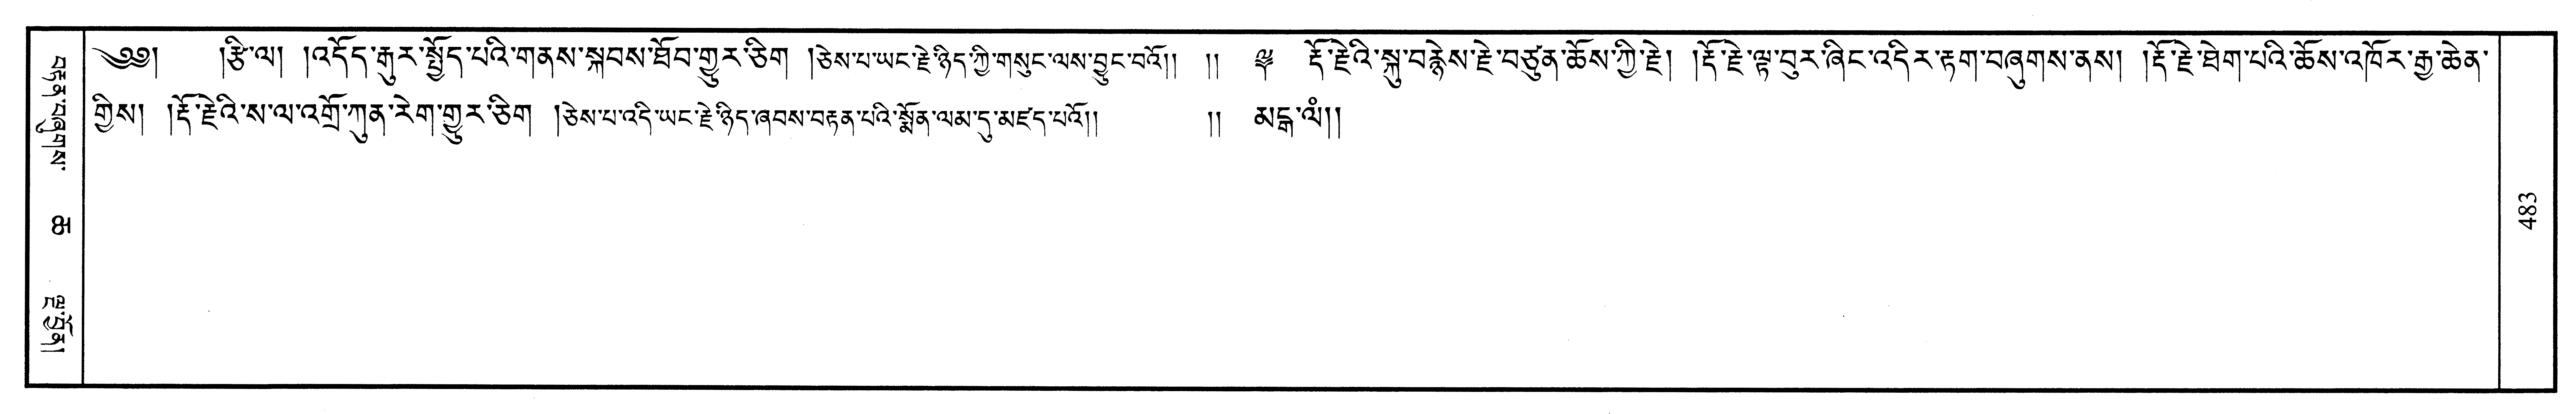༄༅། །རྩི་ལ། །འདོད་རྒུར་སྤྱོད་པའི་གནས་སྐབས་ཐོབ་གྱུར་ཅིག །ཅེས་པ་ཡང་རྗེ་ཉིད་ཀྱི་གསུང་ལས་བྱུང་བའོ།། །། ༈ རྡོ་རྗེའི་སྐུ་བརྙེས་རྗེ་བཙུན་ཆོས་ཀྱི་རྗེ། །རྡོ་རྗེ་ལྟ་བུར་ཞིང་འདིར་རྟག་བཞུགས་ནས། །རྡོ་རྗེ་ཐེག་པའི་ཆོས་འཁོར་རྒྱ་ཆེན་
གྱིས། །རྡོ་རྗེའི་ས་ལ་འགྲོ་ཀུན་རེག་གྱུར་ཅིག །ཅེས་པ་འདི་ཡང་རྗེ་ཉིད་ཞབས་བརྟན་པའི་སྨོན་ལམ་དུ་མཛད་པའོ།། །།མངྒ་ལཾ།།